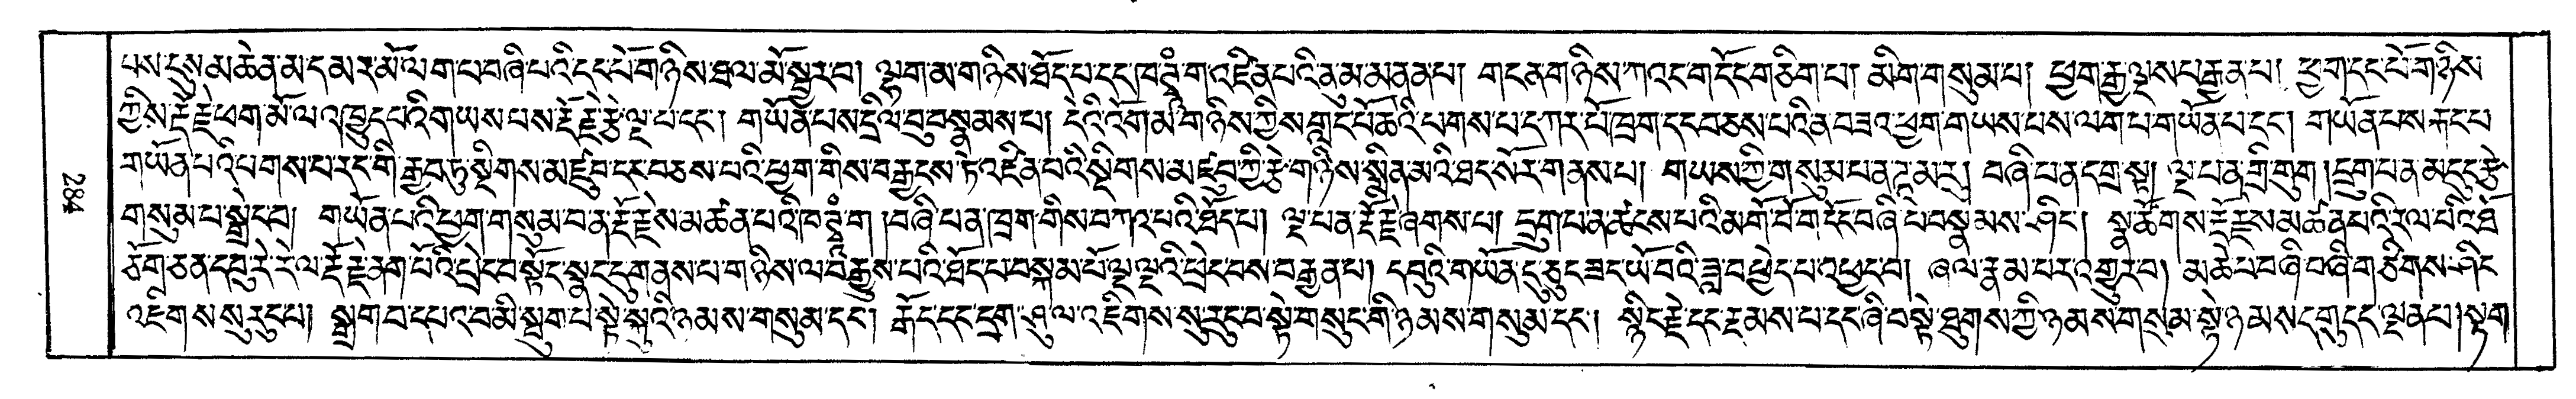པས་དུས་མཚན་མ་དམར་མོ་ལག་པ་བཞི་པའི་དང་པོ་གཉིས་ཐལ་མོ་སྤྱར་བ། ལྷག་མ་གཉིས་ཐོད་པ་དང་ཁ་ཊྭཱཾ་ག་འཛིན་པའི་ནུ་མ་མནན་པ། གདན་གཉིས་ཀའང་གདོང་གཅིག་པ། མིག་གསུམ་པ། ཕྱག་རྒྱ་ལྔས་བརྒྱན་པ། ཕྱག་དང་པོ་གཉིས་
ཀྱིས་རྡོ་རྗེ་ཕག་མོ་ལ་འཁྱུད་པའི་གཡས་པས་རྡོ་རྗེ་རྩེ་ལྔ་པ་དང་། གཡོན་པས་དྲིལ་བུ་བསྣམས་པ། དེའི་འོག་མ་གཉིས་ཀྱིས་གླང་པོ་ཆེའི་པགས་པ་དཀར་པོ་ཁྲག་དང་བཅས་པའི་ན་བཟའ་ཕྱག་གཡས་པས་ལག་པ་གཡོན་པ་དང་། གཡོན་པས་རྐར་པ་
གཡོན་པའི་པགས་པ་རང་གི་རྒྱབ་ཏུ་སྡིགས་མཛུབ་དང་བཅས་པའི་ཕག་གིས་བརྒྱངས་ཏེ་འཛིན་པའི་སྡིགས་མཛུབ་ཀྱི་རྩེ་གཉིས་སྨིན་མའི་ཐད་སོར་གནས་པ། གཡས་ཀྱི་གསུམ་པ་ན་ཌཱ་མ་རུ། བཞི་པ་ན་དགྲ་སྟ། ལྔ་པ་ན་གྲི་གུག། དྲུག་པ་ན་མདུང་རྩེ་
གསུམ་པ་སྒྲེང་བ། གཡོན་པའི་ཕྱག་གསུམ་པ་ན་རྡོ་རྗེ་མཚན་པའི་ཁ་ཊྭཱཾ་ག །བཞི་པ་ན་ཁྲག་གིས་བཀང་བའི་ཐོད་པ། ལྔ་པ་ན་རྡོ་རྗེ་ཞགས་པ། དྲུག་པ་ན་ཚངས་པའི་མགོ་བོ་དོང་བཞི་པ་བསྣམས་ཤིང་། སྣ་ཚོགས་རྡོ་རྗེ་མཚན་བའི་རལ་བའི་ཐོར་
ཅོག་ཅན་དབུ་རེ་རེ་ལ་རྡོ་རྗེ་ནག་པོའི་ཕྲེང་བ་སྟོང་སྨད་དུ་གནས་པ་གཉིས་ལ་བརྒྱུས་པའི་ཐོད་པ་བསྐམ་པོ་ལྔ་ལྔའི་ཕྲེང་བས་བརྒྱན་པ། དབུའི་གཡོན་དུ་ཅུང་ཟད་ཡོ་བའི་ཟླ་བ་ཕྱེད་པ་འཕྱང་པ། ཞལ་རྣམ་པར་འགྱུར་བ། མཆེ་བ་བཞི་གཙིགས་ཤིང་
འཇིགས་སུ་རུང་པ། སྒེག་པ་དཔའ་བ་མི་སྡུག་པ་སྟེ་སྐུའི་ཉམས་གསུམ་དང་། རྒོད་དང་དྲག་ཤུལ་འཇིགས་སུ་རུང་བ་སྟེ་གསུང་གི་ཉམས་གསུམ་དང་། སྙིང་རྗེ་དང་རྔམས་པ་དང་ཞི་བ་སྟེ་ཐུགས་ཀྱི་ཉམས་གསུམ་སྟེ་ཉམས་དགུ་དང་ལྡན་པ། སྟ་